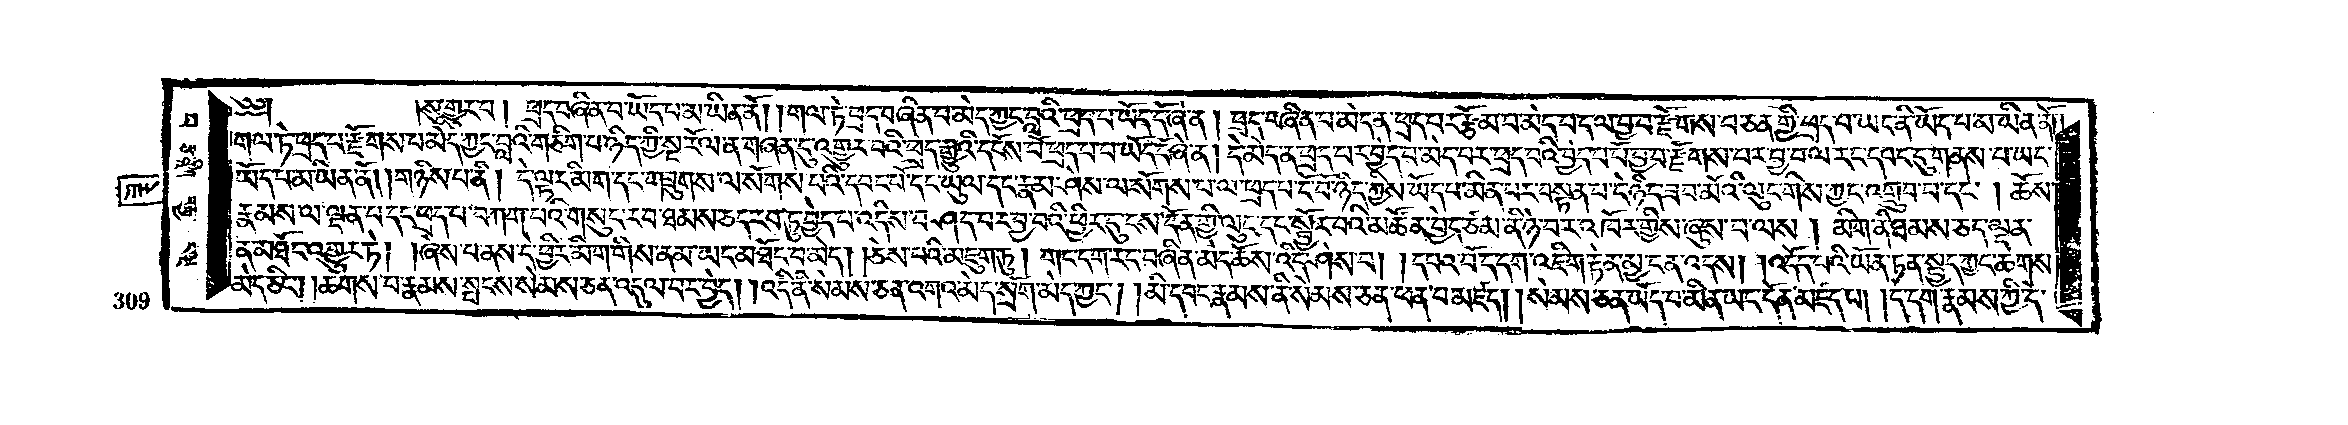༄༅། །སུ་གྱུར་པ། ཕྲད་བཞིན་པ་ཡོད་པ་མ་ཡིན་ནོ། །གལ་ཏེ་ཕྲད་བཞིན་པ་མེད་ཀྱང་བླའི་ཕྲད་པ་ཡོད་དོ་ཞེ་ན། ཕྲད་བཞིན་པ་མེད་ན་ཕྲད་པར་རྩོམ་པ་མེད་པ་དལ་བྱ་བ་རྫོགས་པ་ཅན་གྱི་ཕྲད་པ་ཡང་ནི་ཡོད་པ་མ་ཡིན་ནོ། །
གལ་ཏེ་ཕྲད་པ་རྫོགས་པ་མེད་ཀྱང་བླའི་གཅིག་པ་ཉིད་ཀྱི་སྔ་རོལ་ན་གཞན་དུ་འགྱུར་བའི་ཕྲད་རྒྱུའི་དངོས་པོ་ཕྲད་པ་པ་ཡོད་དོ་ཞེ་ན། དེ་མད་ན་ཕྲད་པར་བྱེད་པ་མེད་པར་ཕྲད་པའི་བྱེད་པ་པོ་བྱ་བ་རྫོགས་པར་བྱ་བ་ལ་རང་དབང་དུ་གནས་པ་ཡང་
ཡོད་པ་མ་ཡིན་ནོ། །གཉིས་པ་ནི། དེ་ལྟར་མིག་དང་གཟུགས་ལ་སོགས་པའི་དབང་པ་དང་ཡུལ་དང་རྣམ་ཤེས་ལ་སོགས་པ་ལ་ཕྲད་པ་ངོ་བོ་ཉིད་ཀྱིས་ཡོད་པ་མིན་པར་བསྟན་པ་དེ་ཉིད་ཟབ་མོའི་ལུང་གིས་ཀྱང་འགྲུབ་པ་དང་། ཆོས་
རྣམས་ལ་ལྡན་པ་དང་ཕྲད་པ་བཀག་པའི་གསུང་རབ་ཐམས་ཅད་རབ་ཏུ་བྱེད་པ་འདིས་བཤད་པར་བྱ་བའི་ཕྱིར་དུ་ངེས་དོན་གྱི་ལུང་དང་སྦྱོར་བའི་མཚོན་བྱེད་ཙམ་ནི་ཉེ་བར་འཁོར་གྱིས་ཞུས་པ་ལས། མིག་ནི་ཐམས་ཅད་ལྡན་
ན་མཐོང་འགྱུར་ཏེ། །ཞེས་པ་ནས་དེ་ཕྱིར་མིག་གིས་ནམ་ཡང་མཐོང་བ་མེད། །ཅེས་པའི་མཇུག་ཏུ། གང་དག་རང་བཞིན་མེད་ཆོས་འདི་ཤེས་བ། །དཔའ་བོ་དེ་དག་འཇིག་རྟེན་མྱ་ངན་འདས། །འདོད་པའི་ཡོན་ཏན་སྤྱད་ཀྱང་ཆགས་
མེད་ཅིང་། །ཆགས་པ་རྣམས་སྤངས་སེམས་ཅན་འདུལ་བར་བྱེད། །འདི་ནི་སེམས་ཅན་འགའ་མེད་སྲོག་མེད་ཀྱང་། །མི་དབང་རྣམས་ནི་སེམས་ཅན་ཕན་པ་མཛད། །སེམས་ཅན་ཡོད་པ་མིན་ཡང་དོན་མཛད་པ། །དེ་དག་རྣམས་ཀྱི་དེ་